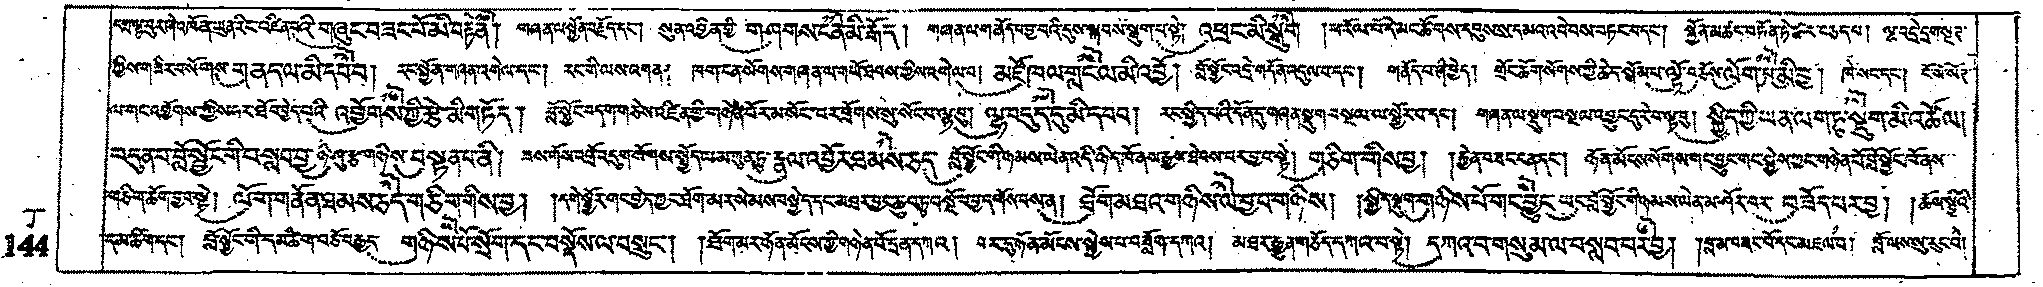དགྲ་ལྟ་བུར་ཞེ་འཁོན་ཡུན་རིང་འཛིན་པའི་གཞུང་བཟང་པོ་མི་བརྟེན། གཞན་ལ་སྐྱོན་བརྗོད་དང་། སུན་འབྱིན་གྱི་གཤགས་ངན་མི་རྒོད། གཞན་ལ་གནོད་པ་བྱ་བའི་དུས་སྐབས་སྒུག་པ་སྟེ།  འཕྲང་མི་སྒུག །ཕ་རོལ་པོ་དེ་མང་ཚོགས་དབུས་སུ་དམའ་འབེབས་བཏང་བ་དང་། སྐྱོན་མཚང་བཏོན་ཏེ་ཚར་བཅད་པ། ལྷ་འདྲེ་དྲག་སྔཊ་
ཀྱིས་གཟིར་བ་སོགས་གནད་ལ་མི་དབབ། རང་སྐྱོན་གཞན་འགེལ་དང་། རང་གི་ལས་འགན། ཁག་ངན་སོགས་གཞན་ལ་གཡོ་ཐབས་ཀྱིས་འགེལ་བ།  མཛོ་ཁལ་གླང་ལ་མི་འབྱོ། བློ་སྦྱོང་འདྲེ་གདོན་འདུལ་བ་དང་། གནོད་པ་ཞི་བྱེད། གྲོང་ཆོག་སོགས་ཀྱི་ཆེད་སྒོམ་པ་ལྟོ་བཅོས་ལོག་པ་མི་བྱ། ཁེ་སང་དང་། ངོ་སོ་སོཌ་
ལ་གང་འགྱོགས་ཀྱིས་ཧར་ཐོབ་བྱེད་པའི་འགྱོགས་ཀྱི་རྩེ་མི་གཏོད། བློ་སྦྱོང་བདག་གཅེས་འཛིན་གྱི་གཉེན་པོར་མ་སོང་བར་གྲོགས་སུ་སོང་བ་ལྟ་བུ།  ལྷ་བདུད་དུ་མི་དབབ། རང་སྐྱིད་པའི་དོན་དུ་གཞན་སྡུག་བསྔལ་ལ་སྦྱོར་བ་དང་། གཞན་ལ་སྡུག་བསྔལ་འབྱུང་དུ་རེ་བ་ལྟ་བུ།  སྐྱིད་ཀྱི་ཡན་ལག་ཏུ་སྡུག་མི་འཚོལ།
བདུན་པ་བློ་སྦྱོང་གི་བསླབ་བྱ་ཉི་ཤུ་རྩ་གཉིས་བསྟན་པ་ནི། ཟས་གོས་འགྲོ་འདུག་སོགས་སྤྱོད་ལམ་ཀུན་ཏུ་རྣལ་འབྱོར་ཐམས་ཅད་བློ་སྦྱོང་གི་ཉམས་ལེན་འདི་ཉིད་ཁོ་ནས་རྒྱས་ཐེབས་པར་བྱ་བ་སྟེ།  གཅིག་གིས་བྱ། །རྐྱེན་བཟང་ངན་དང་། ཉོན་མོངས་སོགས་གང་བྱུང་གང་སྐྱེས་ཀྱང་གཉེན་པོ་བློ་སྦྱོང་ཁོ་ནས་་་
གཅིག་ཆོག་བྱ་བ་སྟེ།  ལོག་གནོན་ཐམས་ཅད་གཅིག་གིས་བྱ། །དགེ་སྦྱོར་གང་བྱེད་ཀྱང་ཐོག་མར་སེམས་བསྐྱེད་དང་མཐར་བྱང་ཆུབ་ཏུ་བསྔོ་བ་བྱ་དགོས་པས་ན།  ཐོག་མཐའ་གཉིས་ལ་བྱ་བ་གཉིས། །སྐྱིད་སྡུག་གཉིས་པོ་གང་བྱུང་ཡང་བློ་སྦྱོང་གི་ཉམས་ལེན་མ་ཤོར་བར་བཟོད་པར་བྱ། །ཆོས་སྤྱིའི་
དམ་ཚིག་དང་། བློ་སྦྱོང་གི་དམ་ཚིག་བཅོ་བརྒྱད་གཉིས་པོ་སྲོག་དང་བསྡོས་ལ་བསྲུང་། །ཐོག་མར་ཉོན་མོངས་ཀྱི་གཉེན་པོ་དྲན་དཀའ། བར་དུ་ཉོན་མོངས་སྐྱེས་པ་བཟློག་དཀའ། མཐར་རྒྱུན་གཅོད་དཀའ་བ་སྟེ།  དཀའ་བ་གསུམ་ལ་བསླབ་པར་བྱ། །བླ་མ་བཟང་པོ་དང་མཇལ་བ། བློ་ལས་སུ་རུང་བ།